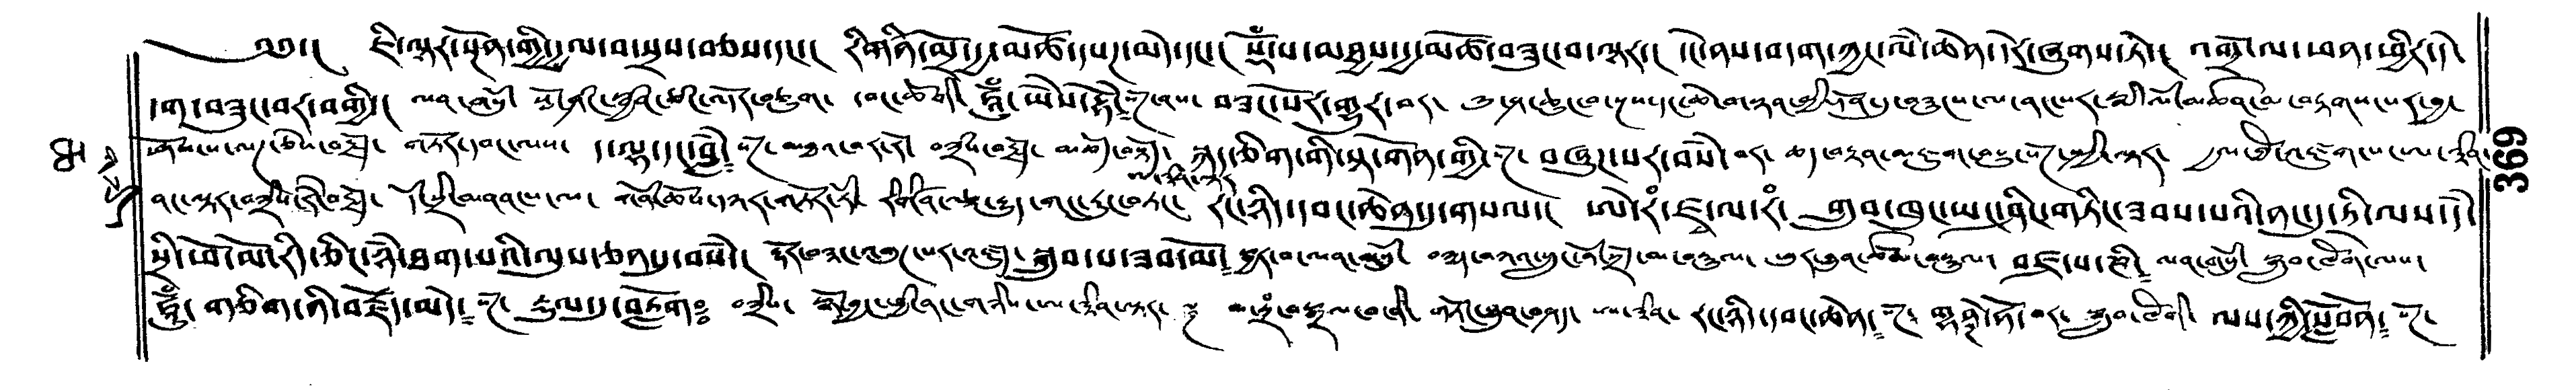ཇི་ལྟར་སྔོན་གྱི་རྒྱལ་བ་སྲས་བཅས་དང་། །རིག་འཛིན་མཁའ་འགྲོ་རྒྱ་མཚོ་དཔག་མེད་དང་། །སྡོམ་པ་མཐའ་ཡས་རྒྱ་མཚོ་བཟུང་བ་ལྟར། །དེང་ནས་བདག་ཀྱང་ལམ་ཆེན་དེར་ཞུགས་ཏེ། །འགྲོ་ལ་ཕན་ཕྱིར་དེ་
དག་བཟུང་བར་བགྱི། ལན་གསུམ། སོ་ཤིང་སྦྱིན་ཅིང་འདོར་བཅུག དབང་ཆོག་གི ཧཱུྃ༔ ཡེ་ཤེས་རྡོ་རྗེ༴ སོགས་ནས།བཟང་པོ་གྱུར༴ བར། ཀུ་ཤ་ཆུང་བ་སྔས་དང་ཆེ་བ་སྟན་གྱི་དོན་དུ་ཟུངས་ལ་ནང་པར་རྨི་ལམ་མཚན་མ་བརྟགས་པར་བྱ་
དགོས་པ་ལགས་ཅེས་བརྗོད། གཏོར་དབང་ལས། ད་ལྷ་དང་བླ་མ༴ སོགས་མཐའ་བར་རོ། བཀྲ་ཤིས་བརྗོད། མཆོད་བསྟོད། ཨ་ཟིན་ལྟར། སྐད་ཅིག་གིས་སྟ་གོན་གྱི༴ སོགས། བཞུགས་པར་བསམ། བར། ཆད་བརྟན་མཇུག་བསྡུ་སོགས་སྤྱི་ལྟར། རྒྱལ་ཐོ་འཛུག་པ་ཨ་ཟིན་
ནང་ལྟར་བཀྲ་ཤིས་རེ་རེ་བརྗོད། དམ་སྲི་མནན་པ་ལ། གནམ་ཆོས་དཀར་གཏོར་རམ་རིག་འཛིན་རྩ་རྒྱུད་གང་རུང་བཏང་། ཨ་ཟིན་ལྟར། རང་ཉིད་དབང་ཆེན་དུ་གསལ། ཨེ་རཾ་ཛྭ་ལ་རཾ། གྲུབ་ཁུང་ཡངས་ཤིང་གཏིང་ཟབ་པའི་ནང་དུ་ཏྲི་ལས་དམ་
སྲི་ཕོ་མོ་རིད་ཅིང་ཉམ་ཐག་པའི་ལུས་ཅན་དུ་བསམ། རྡོར་བཟང་འགུགས་པར་འཛུད། སྒྲུབ་པ་ཟབ་མོ༴ སྦྱར་བ་ལན་གསུམ། བཀའ་བརྒྱད་བཀའ་སྲུང་ནམ་སྲོད་མ་བསྐུལ། ཕུར་ཐུན་ཚམས་བསྐུལ། བཛྲ་པ་ཎི༴ ལན་གསུམ། སྒྲུབ་ཁོག་ལས། 
ཧཱུྃ༔ གཅིག་ནི་བརྗོད་མེད༴ སོགས། རྡུལ་དུ་བརློག༔ བཀྲ་ཤིས། སྒོ་བྱང་ཕྱི་ནང་གཉིས་ཨ་ཟིན་ལྟར། ༈ མ་ཏྲཾ་བསྒྲལ་བ་ནི། སྟོང་ཐུན་བཤད། ཨ་ཟིན། རང་ཉིད་དབང་ཆེན༴ སོགས༴ གྷནྜེ་ཧོཿ བར། སྒྲུབ་ཁོག་གི ལས་ཀྱི་སློབ་དཔོན༴ སོགས།